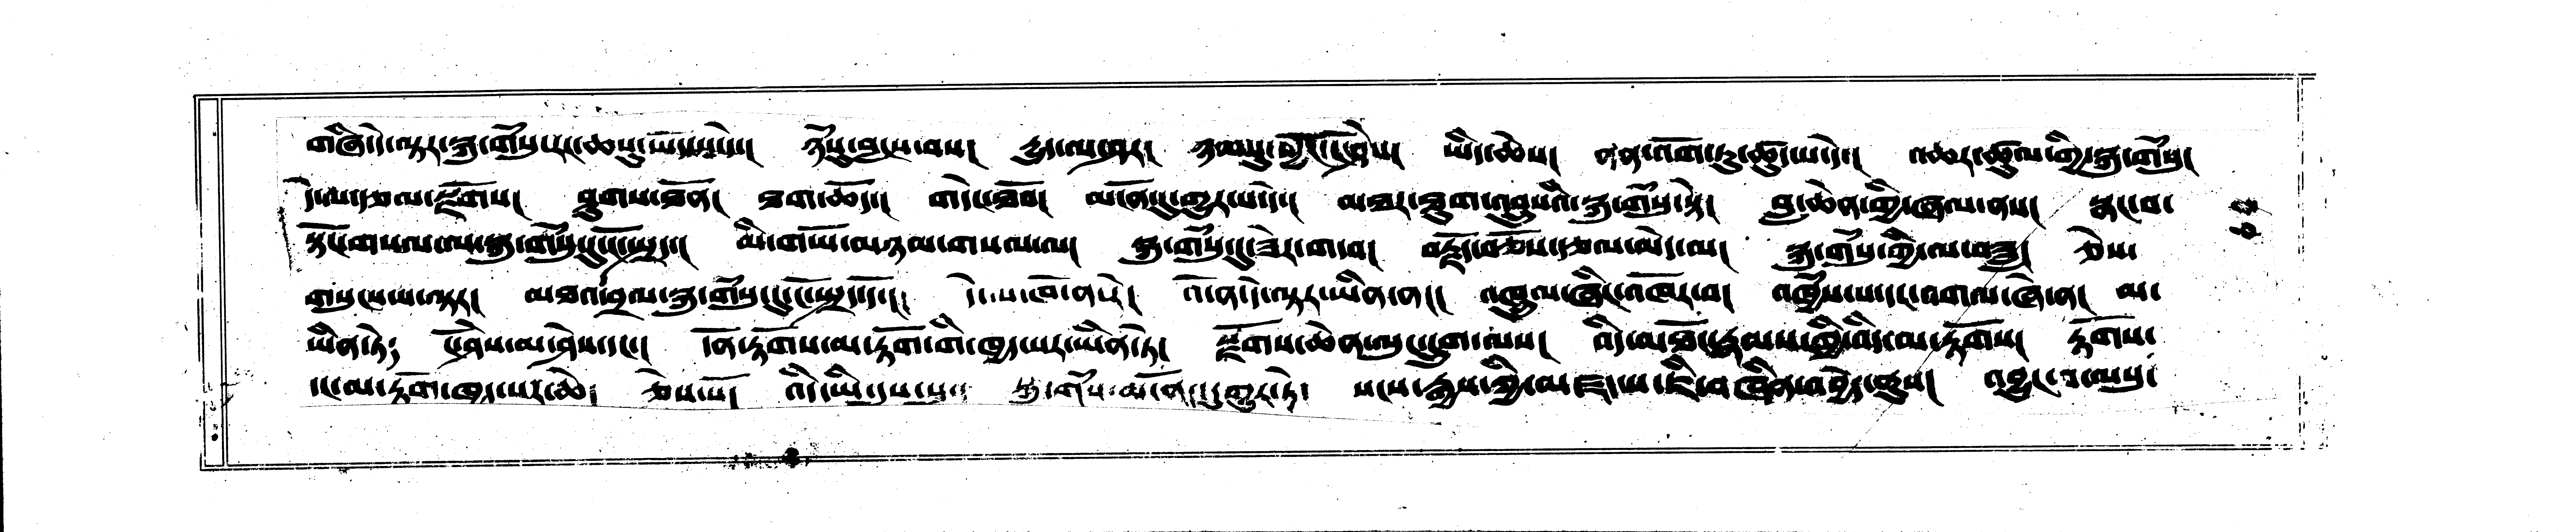གཞི་དེ་ལྟར་སྐུ་གསུམ་རང་ཆས་སུ་ཡོད་པ་དེ་ཉམས་སུ་བླངས་པས། རྒྱུད་ལ་ཤར། ཉམས་སུ་མྱོང་། ངོ་ཤེས་ཡིད་ཆེས་ནན་འོག་ཏུ་ཚུད་པ་དེ་འཆར་ཚུལ་གྱི་སྐུ་གསུམ།
 དེ་ལ་རྩལ་རྫོགས། ཤུགས་ཐོན་ཐག་ཆོད་གདེང་ཐོབ་མངོན་དུ་གྱུར་པ་དེ་མཐར་ཐུག་འབྲས་བུའི་སྐུ་གསུམ་སྟེ། བླ་ཆེན་གྱི་ཞལ་ནས། སྣང་
སྟོང་གསལ་ལ་སྐུ་གསུམ་དུ་ངོ་སྤྲད། མི་གཡོ་མཉམ་གསལ་ལ་སྐུ་གསུམ་དུ་ཟེར་གདབ། བརྗོད་བཅོས་རྩོལ་མེད་ལ། སྐུ་གསུམ་དུ་ལ་བཟླ། ཅེས་
གསུངས་པ་ལྟར། མཐའ་བྲལ་སྐུ་གསུམ་དུ་ངོ་སྤྲད་དོ། །དེ་ལ་ཁོ་ན་རེ། འོ་ན་དེ་ལྟར་ཡིན་ན། འཁྲུལ་ཞིང་འཁོར་བར་འཁྱམས་པ་དང་འགལ་ཞེ་ན། མ་
ཡིན་ཏེ་ངོ་ཤེས་མ་ཤེས་དང་། དོན་རྟོགས་མ་རྟོགས་ཀྱི་ཁྱད་པར་ཡིན་ཏེ། རྫོགས་ཆེན་ལུང་དྲུག་ལས། འདི་མཐོང་རྣམས་ཀྱིས་འདི་མ་རྟོགས། །རྟོགས་
དང་མ་རྟོགས་ཁྱད་པར་ཆེ། །ཞེས་སོ། །འདི་ཡི་དུས་སུ་སྐུ་གསུམ་མངོན་དུ་གྱུར་ཏེ། སངས་རྒྱས་ཀྱི་མཛད་པ་ཇི་བཞིན་འབྱེད་ནུས། འབྱུང་བ་ལས་སུ་